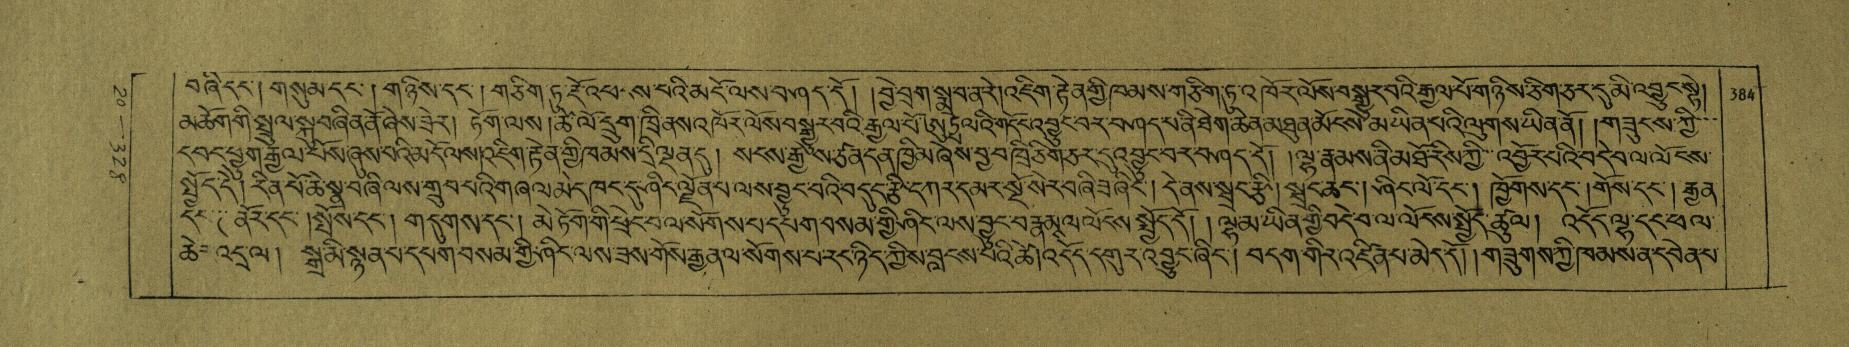བཞི་དང་། གསུམ་དང་། གཉིས་དང་། གཅིག་ཏུ་རྡོ་འཕངས་པའི་མདོ་ལས་བཤད་དོ། །བྱེ་བྲག་སྨྲ་བ་ན་རེ། འཇིག་རྟེན་གྱི་ཁམས་གཅིག་ཏུ་འཁོར་ལོས་བསྒྱུར་བའི་རྒྱལ་པོ་གཉིས་ཅིག་ཅར་དུ་མི་འབྱུང་སྟེ།
མཆོག་གི་སྤྲུལ་སྐུ་བཞིན་ནོ་ཞེས་ཟེར། ཏོག་ལས། ཚེ་ལོ་དྲུག་ཁྲི་ནས་འཁོར་ལོས་བསྒྱུར་བའི་རྒྱལ་པོ་ཨུཏྤལའི་གདོང་འབྱུང་བར་བཤད་པ་ནི་ཐེག་ཆེན་མཐུན་མོངས་མ་ཡིན་པའི་ལུགས་ཡིན་ནོ། །གཟུངས་ཀྱི་
དབང་ཕྱུག་རྒྱལ་པོས་ཞུས་པའི་མདོ་ལས། འཇིག་རྟེན་གྱི་ཁམས་དྲི་ལྡན་དུ། སངས་རྒྱས་ཙན་དན་ཁྱིམ་ཞེས་བྱ་བ་ཁྲི་ཅིག་ཅར་དུ་འབྱུང་བར་བཤད་དོ། །ལྷ་རྣམས་ནི་མཐོ་རིས་ཀྱི་འབྱོར་པའི་བདེ་བ་ལ་ལོངས་
སྤྱོད་དེ། རིན་པོ་ཆེ་སྣ་བཞི་ལས་གྲུབ་པའི་གཞལ་མེད་ཁང་དུ་ཤིང་ལྗོན་པ་ལས་བྱུང་བའི་བདུད་རྩི་དཀར་དམར་སྔོ་སེར་བཞི་ཟ་ཞིང་། དེ་ནས་སྦྲང་རྩི། སྦྲང་ཆང་། ཤིང་ལོ་དང་། ཁྱོགས་དང་། གོས་དང་། རྒྱན་
དང༑ ནོར་དང་། སྤོས་དང་། གདུགས་དང་། མེ་ཏོག་གི་ཕྲེང་བ་ལ་སོགས་པ་དཔག་བསམ་གྱི་ཤིང་ལས་བྱུང་བ་རྣམས་ལ་ལོངས་སྤྱོད་དོ། །ལྷ་མ་ཡིན་གྱི་བདེ་བ་ལ་ལོངས་སྤྱོད་ཚུལ། འདོད་ལྷ་དང་ཕལ་
ཆེར་འདྲ་ལ། སྒྲ་མི་སྙན་པ་དཔག་བསམ་གྱི་ཤིང་ལས་ཟས་གོས་རྒྱན་ལ་སོགས་པ་རང་ཉིད་ཀྱིས་བླངས་པའི་ཚེ། འདོད་དགུར་འབྱུང་ཞིང་། བདག་གིར་འཛིན་པ་མེད་དོ། །གཟུགས་ཀྱི་ཁམས་ན་དབེན་པ་